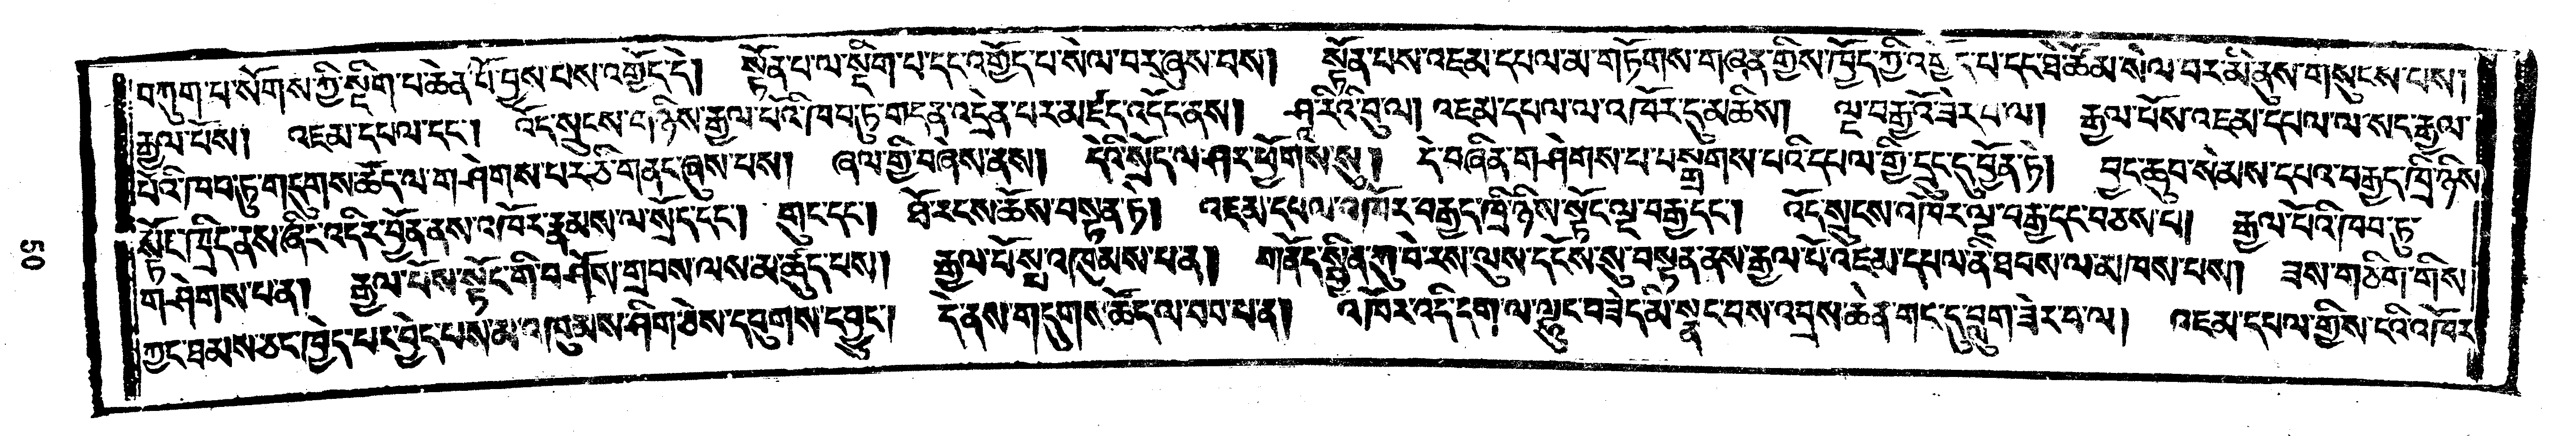བཀུག་པ་སོགས་ཀྱི་སྡིག་པ་ཆེན་པོ་བྱས་པས་འགྱོད་དེ། སྟོན་པ་ལ་སྡིག་པ་དང་འགྱོད་པ་སེལ་བར་ཞུས་བས། སྟོན་པས་འཇམ་དཔལ་མ་གཏོགས་གཞན་གྱིས་ཁྱོད་ཀྱི་འགྱོད་པ་དང་ཐེ་ཚོམ་སེལ་བར་མི་ནུས་གསུངས་པས།
རྒྱལ་པོས། འཇམ་དཔལ་དང་། འོད་སྲུངས་གཉིས་རྒྱལ་པོའི་ཁབ་ཏུ་གདན་འདྲེན་པར་མཛད་འདོད་ནས། ཤཱ་རིའི་བུ་ལ། འཇམ་དཔལ་ལ་འཁོར་དུ་མཆིས། ལྔ་བརྒྱ་འོ་ཟེར་བ་ལ། རྒྱལ་པོས་འཇམ་དཔལ་ལ་སངས་རྒྱལ་
པོའི་ཁབ་ཏུ་གདུགས་ཚོད་ལ་གཤེགས་པར་ཅི་གནང་ཞུས་པས། ཞལ་གྱི་བཞེས་ནས། དེའི་སྲོད་ལ་ཤར་ཕྱོགས་སུ། དེ་བཞིན་གཤེགས་པ་བསྒྲགས་པའི་དཔལ་གྱི་དྲུང་དུ་བྱོན་ཏེ། བྱང་ཆུབ་སེམས་དཔའ་བརྒྱད་ཁྲི་ཉིས་
སྟོང་ཁྲིད་ནས་ཞིང་འདིར་བྱོན་ནས་འཁོར་རྣམས་ལ་སྲོད་དང་། གུང་དང་། ཐོ་རངས་ཆོས་བསྟན་ཏེ། འཇམ་དཔལ་འཁོར་བརྒྱད་ཁྲི་ཉིས་སྟོང་ལྔ་བརྒྱ་དང་། འོད་སྲུངས་འཁོར་ལྔ་བརྒྱ་དང་བཅས་པ། རྒྱལ་པོའི་ཁབ་ཏུ་
གཤེགས་པ་ན། རྒྱལ་པོས་སྟོང་གི་བཤོས་གྲབས་ལས་མ་ཚུད་པས། རྒྱལ་པོས་པ་འཁུམས་པ་ན། གནོད་སྦྱིན་ཀུ་བེ་རས་ལུས་དངོས་སུ་བསྟན་ནས་རྒྱལ་པོ་འཇམ་དཔལ་ནི་ཐབས་ལ་མཁས་པས། ཟས་གཅིག་གིས་
ཀྱང་ཐམས་ཅད་ཁྱེད་པར་བྱེད་པས་མ་འཁུམས་ཤིག་ཅེས་དབུགས་དབྱུང་། དེ་ནས་གདུགས་ཚོད་ལ་བབ་པ་ན། འཁོར་འདི་དག་ལ་ལྷུང་བཟེད་མི་སྣང་བས་འབྲས་ཆེན་གང་དུ་བླུག་ཟེར་བ་ལ། འཇམ་དཔལ་གྱིས་ངའི་འཁོར་